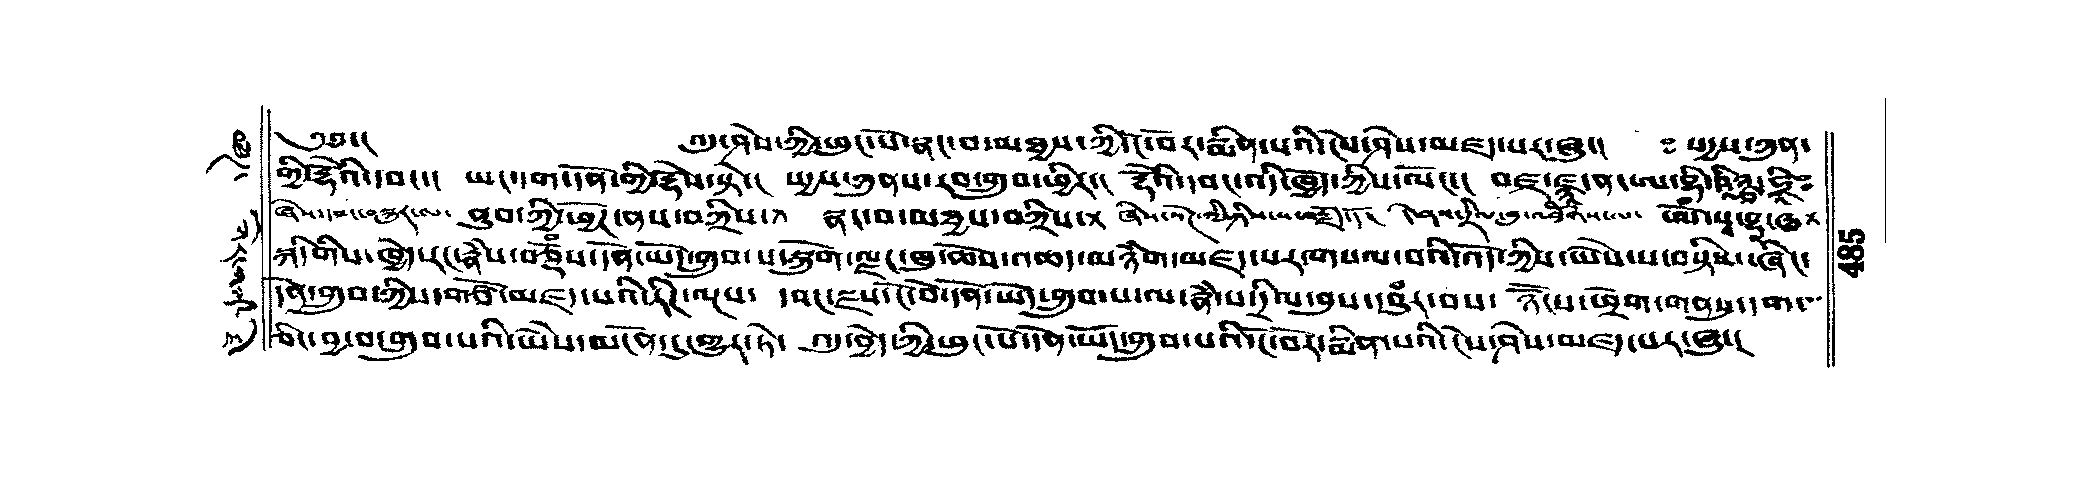འདུ་བྱེད་ཀྱི་ཕུང་པོ་དོན་ཡོད་གྲུབ་པའི་ངོ་བོར་སྨིན་པའི་ངོ་བོར་སྨིན་པའི་ངེས་ཤེས་མཛད་པར་ཞུ། སངས་རྒྱས་ཀུན་
གྱི་རྡོ་རྗེ་དབང་། །ཡང་དག་དོན་གྱི་རྡོ་རྗེ་སྟེ། །སངས་རྒྱས་ཀུན་ནས་རབ་གྲུབ་ཕྱིར། །རྡོ་རྗེའི་དབང་འདི་ཁྱོད་ཀྱིས་ལོང་། །བཛྲ་ཛྙ་ན་ཨ་བྷི་རཱིཉྩ་ཧྲཱིཿ 
ཞེས་དབང་བསྐུར་ལ། ནུབ་ཀྱི་ཕྱོགས་ནས་བཀྲ་ཤིས༴ སྣང་བ་མཐའ་ཡས་བཀྲ་ཤིས༴ ཞེས་སོགས་ཀྱི་ཤིས་པ་བརྗོད་དོ། དེ་ནས་དྲིལ་བུ་འཐོགས་ལ། ཨོྃ་སྭ་བྷཱ་ཝ༴ 
སྐད་ཅིག་ཁྱེད་རང་རྣམས་བཅོམ་ལྡན་འདས་དོན་ཡོད་གྲུབ་པ་སྐུ་མདོག་ལྗང་ཁུ་ཆོས་འཆད་མཉམ་གཞག་མཛད་པར་གསལ་བའི་འོད་ཀྱིས་ཡེ་ཤེས་པ་བསྟིམ་ཞིང་
དོན་གྲུབ་ཀྱིས་གཙོ་མཛད་པའི་རིགས་ལྔས། དབང་རྫས་ངོ་བོ་དོན་ཡོད་གྲུབ་པ་ལ་རྣམ་པ་དྲིལ་བུས་དབང་བསྐུར་བས། ཉོན་མོངས་ཕྲག་དོག་གནས་སུ་དག་
ཅིང་བྱ་བ་གྲུབ་པའི་ཡེ་ཤེས་མངོན་དུ་གྱུར་ཏེ། འདུ་བྱེད་ཀྱི་ཕུང་པོ་དོན་ཡོད་གྲུབ་པའི་ངོ་བོར་སྨིན་པའི་ངེས་ཤེས་མཛད་པར་ཞུ།